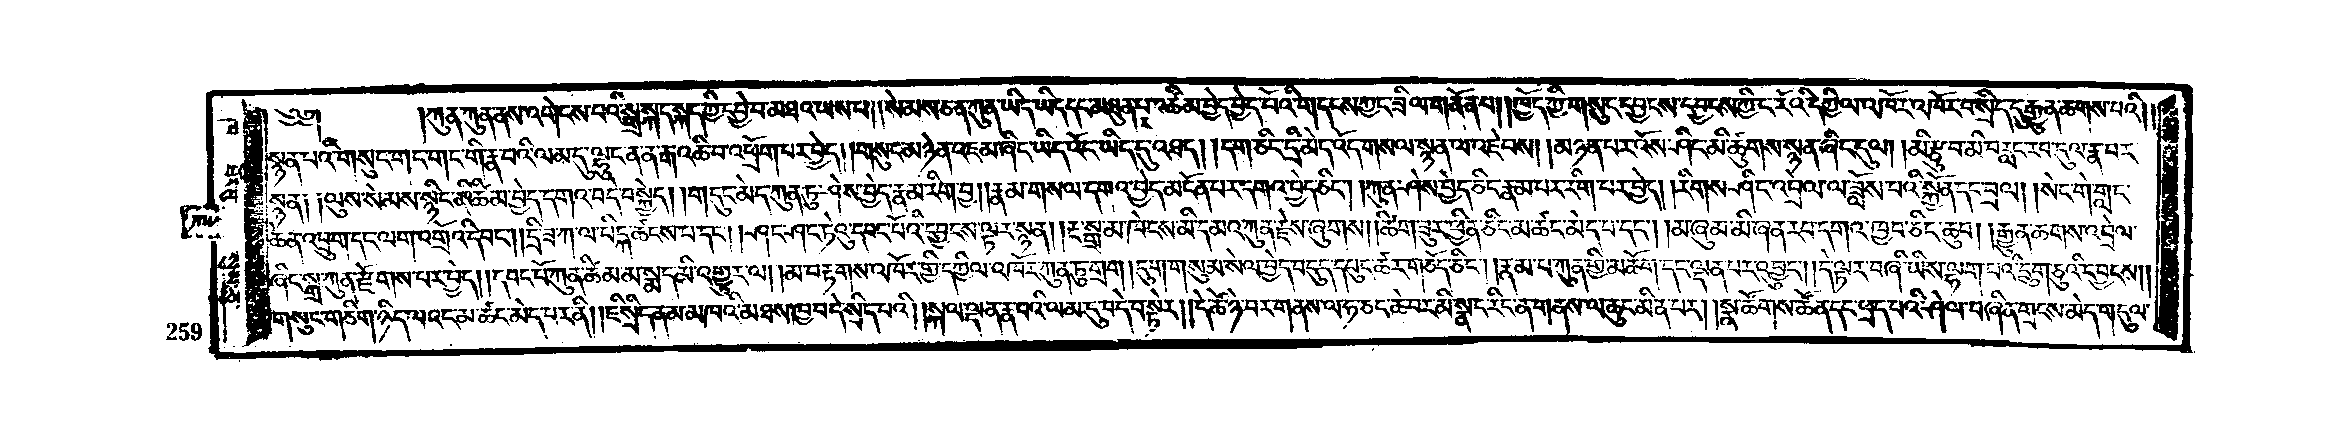༄༅། །ཀུན་ཀུན་ནས་འགེངས་པའི་སྒྲ་སྐད་སྐད་ཀྱི་དབྱེ་བ་མཐའ་ཡས་པ། །སེམས་ཅན་ཀུན་ཡིད་ཡིད་དང་མཐུན་པར་འཚིམ་བྱེད་བྱེད་པོའི་གདངས་ཀྱང་ཟིལ་གནོན་པ། །ཁྱོད་ཀྱི་གསུང་དབྱངས་དབྱངས་ཀྱི་ང་རོའི་དཀྱིལ་འཁོར་འཁོར་བ་སྲིད་དུ་རྒྱུན་ཆགས་པའི།།
སྙན་པའི་གསུང་གང་གང་གི་རྣ་བའི་ལམ་དུ་ལྷུང་ན་ན་རྒ་འཆི་བ་འཕྲོག་པར་བྱེད། །གསུང་མཉེན་འཇམ་ཞིང་ཡིད་འོང་ཡིད་དུ་འཐད། །དག་ཅིང་དྲི་མེད་འོད་གསལ་སྙན་ལ་འཇེབས། །མཉན་པར་འོས་ཤིང་མི་ཚུགས་སྙན་ཞིང་དུལ། །མི་རྩུབ་མི་བརླང་རབ་དུལ་རྣ་བར་
སྙན༑ ༑ལུས་སེམས་སྙིང་ནའི་ཚིམ་བྱེད་དགའ་བདེ་བསྐྱེད། །གདུང་མེད་ཀུན་ཏུ་ཤེས་བྱེད་རྣམ་རིག་བྱ། །རྣམ་གསལ་དགའ་བྱེད་མངོན་པར་དགའ་བྱེད་ཅིང་། །ཀུན་ཤེས་བྱེད་ཅིང་རྣམ་པར་རིག་པར་བྱེད། །རིགས་ཤིང་འབྲེལ་ལ་ཟློས་པའི་སྐྱོན་དང་བྲལ། །སེང་གེ་གླང་
ཆེན་འབྲུག་དང་ལག་འགྲོའི་དབང་། །དྲི་ཟ་ཀ་ལ་པིང་ཀ་ཚངས་པ་དང་། །ཤང་ཤང་ཏེའུ་དབང་པོའི་དབྱངས་ལྟར་སྙན། །རྔ་སྒྲ་མ་ཁེངས་མི་དམའ་ཀུན་རྗེས་ཞུགས། །ཚིག་ཟུར་ཕྱིན་ཅིང་མ་ཚང་མེད་པ་དང་། །མ་ཞུམ་མི་ཞན་རབ་དགའ་ཁྱབ་ཅིང་ཆུབ། །རྒྱུན་ཆགས་འབྲེལ་
ཞིང་སྒྲ་ཀུན་རྫོགས་པར་བྱེད། །དབང་པོ་ཀུན་ཚིམ་མ་སྨད་མི་འགྱུར་ལ། །མ་བརྟགས་འཁོར་གྱི་དཀྱིལ་འཁོར་ཀུན་ཏུ་གྲག །དུག་གསུམ་སེལ་བྱེད་བདུད་དཔུང་ཚར་གཅོད་ཅིང་། །རྣམ་པ་ཀུན་གྱི་མཆོག་དང་ལྡན་པར་འབྱུང་། །དེ་ལྟར་བཞི་ཡིས་ལྷག་པའི་དྲུག་ཅུའི་དབྱངས།།
གསུང་གཅིག་ཉིད་ལའང་མ་ཚང་མེད་པར་ནི། །ཇི་སྲིད་ནམ་མཁའི་མཐས་ཁྱབ་དེ་སྲིད་པའི། །སྐལ་ལྡན་རྣ་བའི་ལམ་དུ་བདེ་བ་སྟེར། །དེ་ཚེ་ཉེ་བར་གནས་ལ་ཧ་ཅང་ཆེ་བར་མི་སྣང་རིང་ན་གནས་ལ་ཆུང་མིན་པར། །སྣ་ཚོགས་ཚོན་དང་ཕྲད་པའི་ཤེལ་བཞིན་གྲངས་མེད་གདུལ་